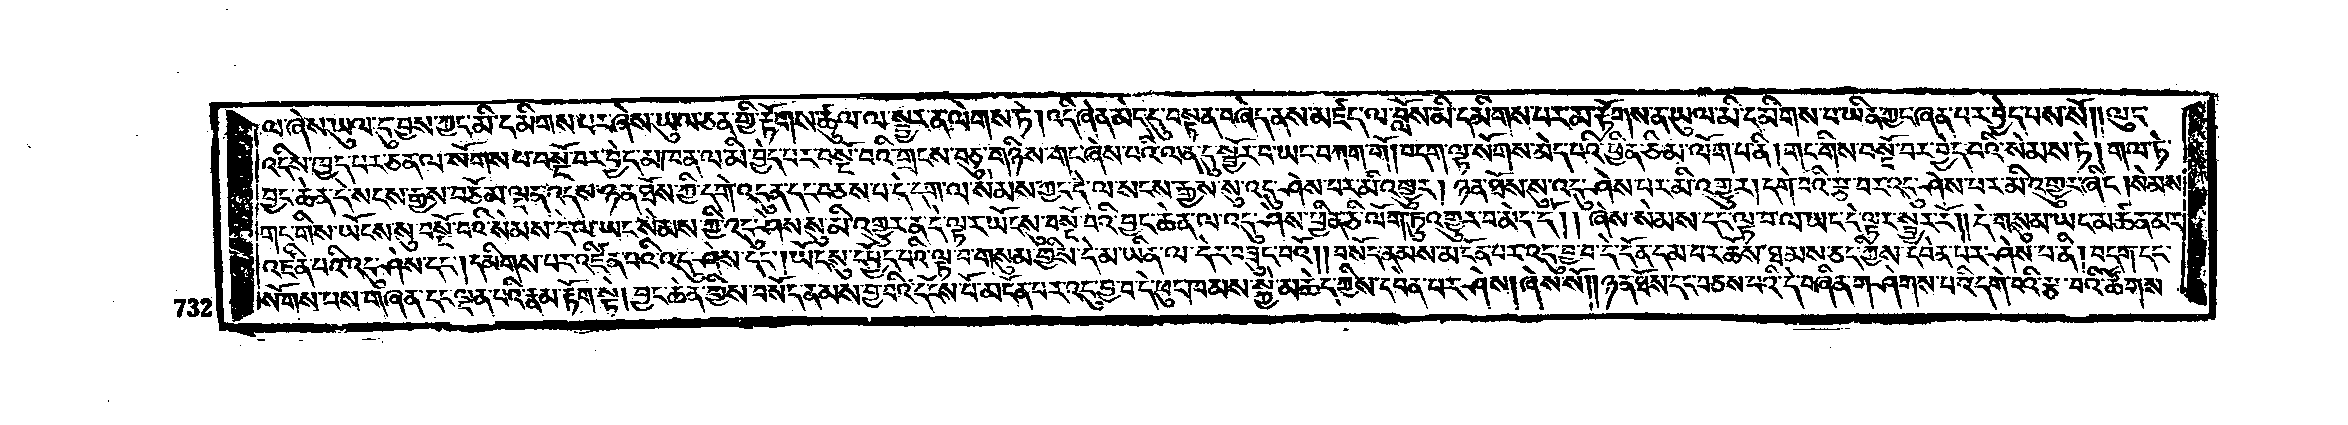ལ་ཞེས་ཡུལ་དུ་བྱས་ཀྱང་མི་དམིགས་པར་ཞེས་ཡུལ་ཅན་གྱི་རྟོགས་ཚུལ་ལ་སྦྱར་ན་ལེགས་ཏེ། འདི་ཞེན་མེད་དུ་བསྟན་བཞེད་ནས་མཛད་ལ་བློས་མི་དམིགས་པར་མ་རྟོགས་ན་ཡུལ་མི་དམིགས་པ་ཡིན་ཀྱང་ཞན་པར་བྱེད་པས་སོ། །ལུང་
འདིས་ཁྱད་པར་ཅན་ལ་སོགས་པ་བསྔོ་བར་བྱེད་མཁན་ལ་མི་བྱེད་པར་བསྔོ་བའི་གྲངས་བཅུ་གཉིས་གང་ཞེས་པའི་ལན་དུ་སྦྱོར་བ་ཡང་བཀག་གོ །བདག་ལྟ་སོགས་མེད་པའི་ཕྱིན་ཅི་མ་ལོག་པ་ནི། གང་གིས་བསྔོ་བར་བྱེད་པའི་སེམས་ཏེ། གལ་ཏེ་
བྱང་ཆེན་དེ་སངས་རྒྱས་བཅོམ་ལྡན་འདས་ཉན་ཐོས་ཀྱི་དགེ་འདུན་དང་བཅས་པ་དེ་དག་ལ་སེམས་ཀྱང་དེ་ལ་སངས་རྒྱས་སུ་འདུ་ཤེས་པར་མི་འགྱུར། ཉན་ཐོས་སུ་འདུ་ཤེས་པར་མི་འགྱུར། དགེ་བའི་རྩ་བར་འདུ་ཤེས་པར་མི་འགྱུར་ཞིང་། སེམས་
གང་གིས་ཡོངས་སུ་བསྔོ་བའི་སེམས་དེ་ལ་ཡང་སེམས་ཀྱི་འདུ་ཤེས་སུ་མི་འགྱུར་ན་དེ་ལྟར་ཡོངས་སུ་བསྔོ་བའི་བྱང་ཆེན་ལ་འདུ་ཤེས་ཕྱིན་ཅི་ལོག་ཏུ་འགྱུར་བ་མེད་དོ། །ཞེས་སེམས་དང་ལྟ་བ་ལ་ཡང་དེ་ལྟར་སྦྱར་རོ། །དེ་གསུམ་ཡང་མཚན་མར་
འཛིན་པའི་འདུ་ཤེས་དང་། དམིགས་པར་འཛིན་པའི་འདུ་ཤེས་དང་། ཡོངས་སུ་དཔྱོད་པའི་ལྟ་བ་གསུམ་གྱིས་དེ་མ་ཡིན་ལ་དེར་བཟུང་བའོ། །བསོད་ནམས་མངོན་པར་འདུ་བྱ་བ་དེ་དོན་དམ་པར་ཆོས་ཐམས་ཅད་ཀྱིས་དབེན་པར་ཤེས་པ་ནི། བདག་དང་
སོགས་པས་གཞན་དང་ལྡན་པའི་རྣམ་རྟོག་སྟེ། བྱང་ཆེན་གྱིས་བསོད་ནམས་བྱ་བའི་དངོས་པོ་མངོན་པར་འདུ་བྱ་བ་དེ་ཕུང་ཁམས་སྐྱེ་མཆེད་ཀྱིས་དབེན་པར་ཤེས། ཞེས་སོ། །ཉན་ཐོས་དང་བཅས་པའི་དེ་བཞིན་གཤེགས་པའི་དགེ་བའི་རྩ་བའི་ཚོགས་